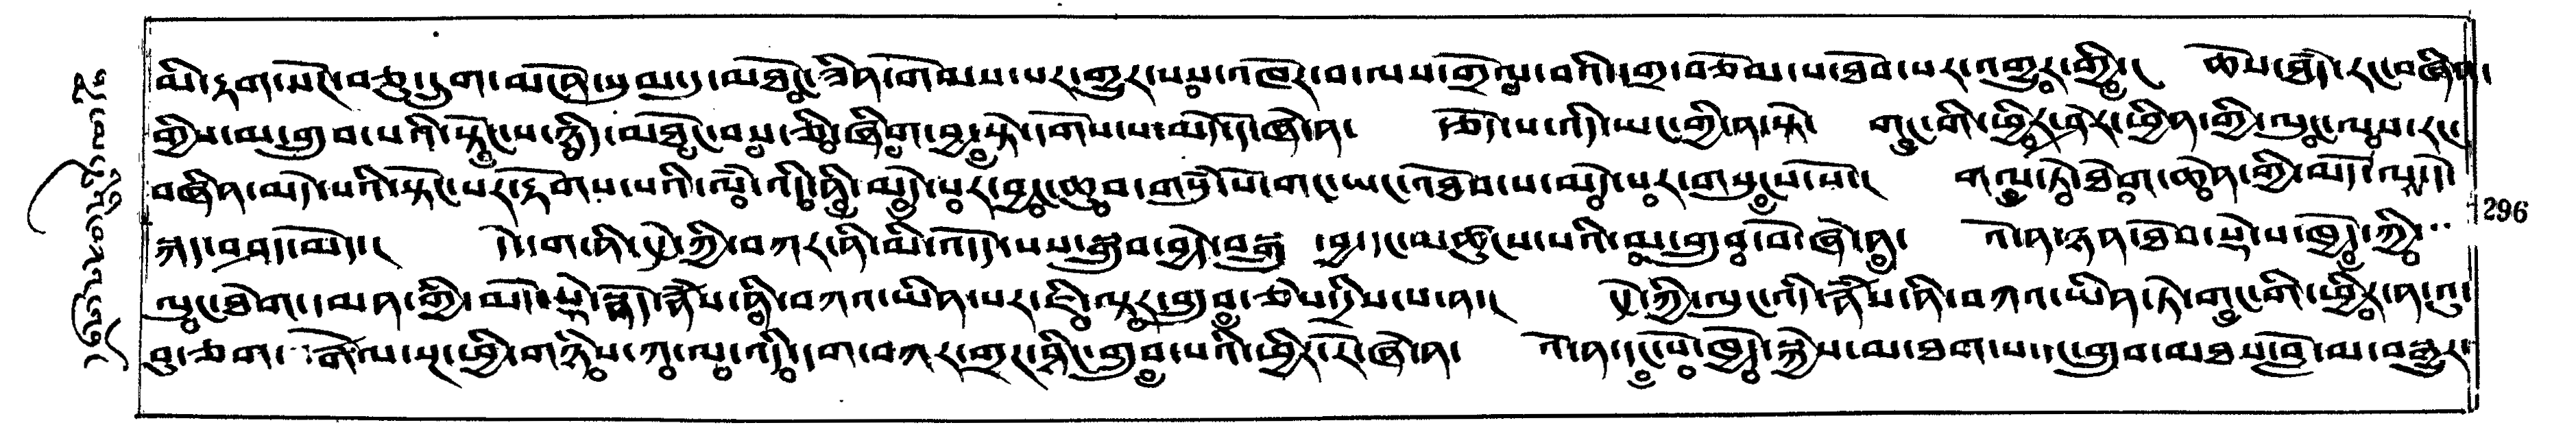མི་རྟག་སོགས་བཅུ་དྲུག་མངོན་སུམ་དུ་མཐོང་ཟིན་གོམས་པར་གྱུར་པས་འཁོར་བ་ལས་གྲོལ་བའི་དགྲ་བཅོམ་པ་ཐོབ་པར་འགྱུར་གྱི།ཆོས་ཐམས་ཅད་རང་བཞིན་
གྱིས་མ་གྲུབ་པའི་སྟོང་པ་ཉིད་མཐོང་བས་ཅི་ཞིག་བྱ་སྟེ་དགོས་པ་མེད་དོ་ཞེ་ན། རྩོད་པ་འདི་ཡང་གྱི་ན་སྟེ། གང་གི་ཕྱིར་ཤེར་ཕྱིན་གྱི་ལུང་ལས་རང་
བཞིན་མེད་པའི་སྟོང་པར་རྟོགས་པའི་ལམ་འདི་ནི་མེད་པར་བྱང་ཆུབ་གསུམ་པོ་གང་ཡང་འཐོབ་པ་མེད་པར་གསུངས་སོ།། གལ་ཏེ་ཐེག་ཆེན་གྱི་མདོ་ལས་དེ་
སྐད་བཤད་མོད། དེ་དག་ནི་ངེད་ཀྱི་བཀར་མི་འདོད་པས་སྒྲུབ་བྱེད་བསྒྲུབ་བྱ་དང་མཚུངས་པས་མ་གྲུབ་བོ་ཞེ་ན། འོ་ན་ཉན་ཐོས་སྡེ་པ་ཁྱོད་ཀྱི་
ལུང་ཐེག་དམན་གྱི་མདོ་སྡེ་སྣོད་རྣམས་ནི་བཀའ་ཡིན་པར་ཇི་ལྟར་གྲུབ་ཅེས་དྲིས་པ་ན། ངེས་ཀྱི་ལུང་འདི་རྣམས་ནི་བཀའ་ཡིན་ཏེ་གང་གི་ཕྱིར་ན་འུ་
བུ་ཅག་བརྒོལ་སྔ་ཕྱི་གཉིས་ཀ་ལ་འདི་དག་བཀར་གྲགས་ཤིང་གྲུབ་པའི་ཕྱིར་རོ་ཞེ་ན། འོ་ན་དང་པོ་ཁྱོད་སྐྱེས་མ་ཐག་པ་དང་གྲུབ་མཐས་བློ་མ་བསྒྱུར་